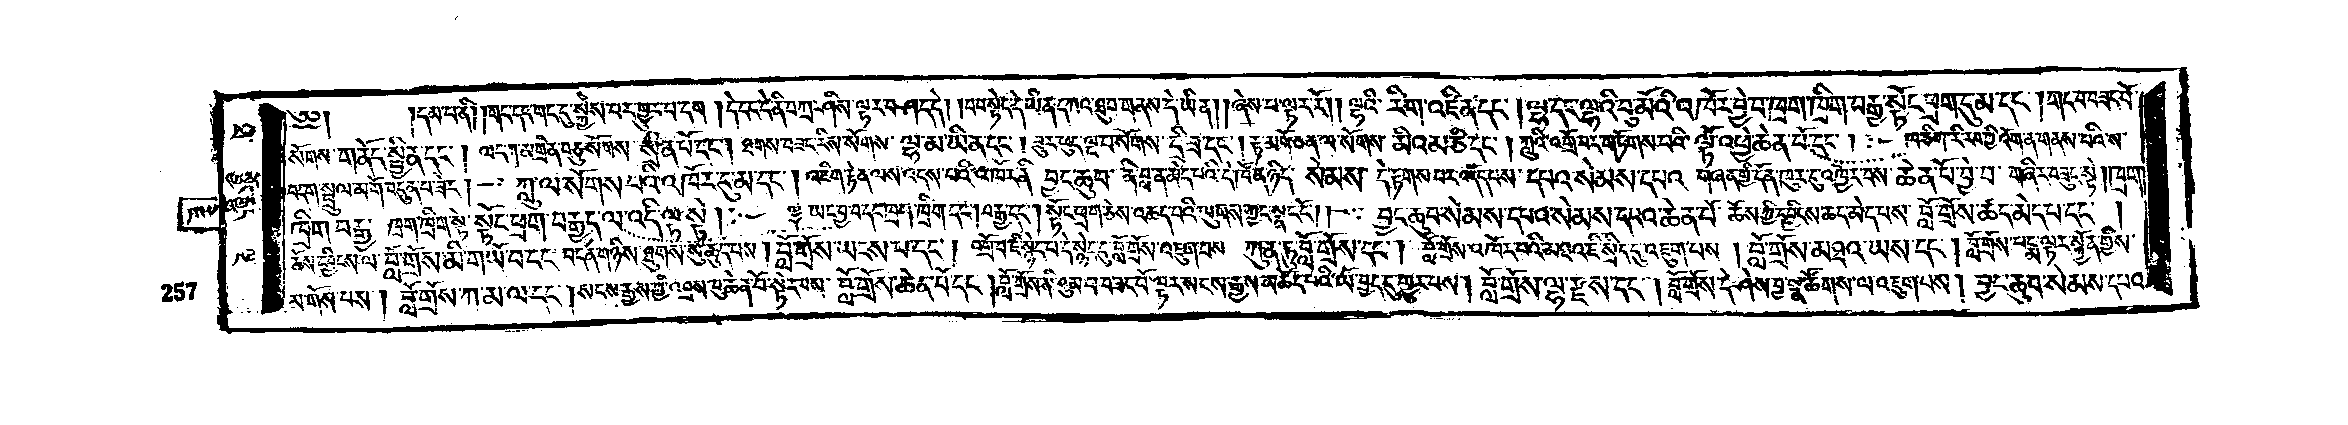༄༅། །དམ་པ་ནཾ། །གང་དང་གང་དུ་སྐྱེས་པར་གྱུར་པ་དག །དེ་དང་དེ་ནི་བཀྲ་ཤིས་ལྟར་བཤད་དེ། །བབ་སྟེང་དེ་ཡིན་དཀའ་ཐུབ་གནས་དེ་ཡིན། །ཞེས་པ་ལྟར་རོ། །ལྷའི་རིག་འཛིན་དང་། ལྷ་དང་ལྷའི་བུ་མའི་འཁོར་བྱེ་བ་ཁྲག་ཁྲིག་བརྒྱ་སྟོང་ཕྲག་དུ་མ་དང་། གང་བ་བཟང་པོ་
སོགས་གནོད་སྦྱིན་དང་། ལང་ཀ་མགྲིན་བཅུ་སོགས་སྲིན་པོ་དང་། ཐགས་བཟང་རིས་སོགས་ལྷ་མ་ཡིན་དང་། ཟུར་ཕུད་ལྔ་པ་སོགས་དྲི་ཟ་དང་། རྟ་མགོ་ཅན་ལ་སོགས་མིའམ་ཅི་དང་། ཀླུའི་འགྲོ་བར་གཏོགས་པའི་ལྟོ་འཕྱེ་ཆེན་པོ་དང་། ཁ་ཅིག་རི་རབ་ཀྱི་འོག་ན་གནས་པའི་ས་
བདག་སྦྲུལ་མགོ་བདུན་པ་ཟེར། ཀླུ་ལ་སོགས་པའི་འཁོར་དུ་མ་དང་། འཇིག་རྟེན་ལས་འདས་པའི་འཁོར་ནི་བྱང་ཆུབ་ནི་བླ་ན་མེད་པའི་དེ་ཁོ་ན་ཉིད་སེམས་དེ་རྟགས་པར་འདོད་པས་དཔའ་སེམས་དཔའ་གཞན་གྱི་དོན་ཁུར་དུ་འཁྱེར་བས་ཆེན་པོ་བྱེ་པ་གཞིར་གཞུང་སྟེ། ཁྲག་
ཁྲིག་བརྒྱ་ཁྲག་ཁྲིག་སྟེ་སྟོང་ཕྲག་བརྒྱད་ལ་འདི་ལྟ་སྟེ། ~་ཡང་བྱེ་བ་དང་ཁྲག་ཁྲིག་དང་། བརྒྱ་དང་། སྟོང་ཕྲག་ཅེས་འཆད་པའི་ལུགས་ཀྱང་སྣང་ངོ།། བྱང་ཆུབ་སེམས་དཔའ་སེམས་དཔའ་ཆེན་པོ་ཆོས་ཀྱི་དབྱིངས་ཆད་མེད་པས་བློ་གྲོས་ཚད་མེད་པ་དང་།
ཆོས་དབྱིངས་ལ་བློ་གྲོས་མི་གཡོ་བ་དང་བདེན་གཉིས་ཐུགས་སུ་ཆུད་པས། བློ་གྲོས་ཡངས་པ་དང་། འགྲོ་བ་ཇི་སྙེད་པ་དེ་སྙེད་དུ་བློ་གྲོས་འཇུག་པས་ཀུན་ཏུ་བློ་གྲོས་དང་། བློ་གྲོས་འཁོར་བའི་མཐའ་ཇི་སྲིད་དུ་འཇུག་པས། བློ་གྲོས་མཐའ་ཡས་དང་། བློ་གྲོས་པདམ་ལྟར་སྐྱོན་གྱིས་
མ་གོས་པས། བློ་གྲོས་ཀ་མ་ལ་དང་། སངས་རྒྱས་ཀྱི་འབྲས་བུ་ཆེན་པོ་སྟེར་བས་བློ་གྲོས་ཆེན་པོ་དང་། བློ་གྲོས་ནི་བུམ་པ་བཟང་པོ་ལྟར་སངས་རྒྱས་མཆོད་པའི་ཡོ་བྱད་དུ་གྱུར་པས། བློ་གྲོས་ལྷ་རྫས་དང་། བློ་གྲོས་དེ་ཤེས་བྱ་སྣ་ཚོགས་ལ་འཇུག་པས། བྱང་ཆུབ་སེམས་དཔའ་